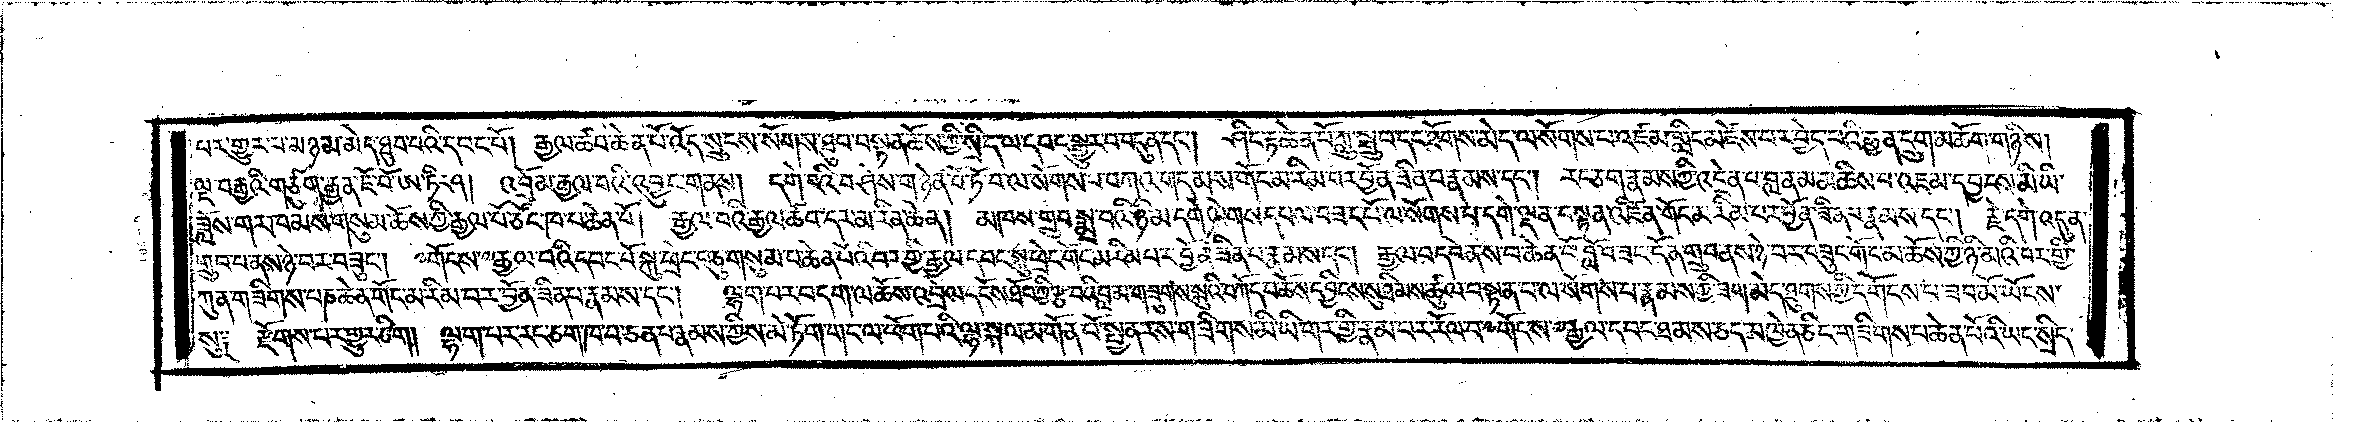པར་གྱུར་པ་མཉམ་མེད་ཐུབ་པའི་དབང་པོ། རྒྱལ་ཚབ་ཆེན་པོ་འོད་སྲུངས་སོགས་ཐུབ་བསྟན་ཆོས་ཀྱི་སྲིད་ལ་དབང་སྒྱུར་བ་བདུན་དང་། ཤིང་རྟ་ཆེན་པོ་ཀླུ་སྒྲུབ་དང་ཐོགས་མེད་ལ་སོགས་པ་འཛམ་གླིང་མཛེས་པར་བྱེད་པའི་རྒྱན་དྲུག་མཆོག་གཉིས།
ལྔ་བརྒྱའི་གཙུག་རྒྱན་ཇོ་བོ་ཨ་ཏི་ཤ། འབྲོམ་རྒྱལ་བའི་འབྱུང་གནས། དགེ་བའི་བཤེས་གཉེན་པོ་ཏོ་བ་ལ་སོགས་པ་བཀའ་གདམས་གོང་མ་རིམ་པར་བྱོན་ཟིན་པ་རྣམས་དང་། རང་ཅག་རྣམས་ཀྱི་འདྲེན་པ་བླ་ནམ་མཆིས་པ་འཇམ་དབྱངས་མི་ཡི་
ཟློས་གར་ཁམས་གསུམ་ཆོས་ཀྱི་རྒྱལ་པོ་ཙོང་ཁ་པ་ཆེན་པོ། རྒྱལ་བའི་རྒྱལ་ཚབ་དར་མ་རིན་ཆེན། མཁས་གྲུབ་སྨྲ་བའི་ཉི་མ་དགེ་ལེགས་དཔལ་བཟང་པོ་ལ་སོགས་པ་དགེ་ལྡན་བསྟན་འཛིན་གོང་མ་རིམ་པར་བྱོན་ཟིན་པ་རྣམས་དང་། རྗེ་དགེ་འདུན་
གྲུབ་པ་ནས་ཉེ་བར་བཟུང་། ༧གོངས ༧རྒྱལ་བའི་དབང་པོ་སྐུ་ཕྲེང་བཅུ་གསུམ་པ་ཆེན་པོའི་བར་གྱི་རྒྱལ་དབང་སྐུ་ཕྲེང་གོང་མ་རིམ་པར་བྱོན་ཟིན་པ་རྣམས་དང་། རྒྱལ་བ་དབེན་ས་བ་ཆེན་པོ་བློ་བཟང་དོན་གྲུབ་ནས་ཉེ་བར་བཟུང་གོང་མ་ཆོས་ཀྱི་ཉི་མའི་བར་གྱི་
ཀུན་གཟིགས་པཎ་ཆེན་གོང་མ་རིམ་པར་བྱོན་ཟིན་པ་རྣམས་དང་། ལྷག་པར་བདག་ལ་ཆོས་འབྲེལ་དངོས་ཐོབ་ཀྱི་རྩ་བའི་བླ་མ་གཟུགས་སྐུའི་བཀོད་པ་ཆོས་དབྱིངས་སུ་ཐིམས་ཚུལ་བསྟན་པ་ལ་སོགས་པ་རྣམས་ཀྱི་ཟག་མེད་ཐུགས་ཀྱི་དགོངས་པ་ཟབ་མོ་ཡོངས་
སུ༑ རྫོགས་པར་གྱུར་ཅིག །ལྷག་པར་རང་ཅག་ཁ་པ་ཅན་པ་རྣམས་ཀྱིས་མེ་ཏོག་གང་ལ་ཕོག་པའི་ལྷ་སྐལ་མགོན་པོ་སྤྱན་རས་གཟིགས་མི་ཡི་གར་གྱི་རྣམ་པར་རོལ་བ ༧གོངས ༧རྒྱལ་དབང་ཐམས་ཅད་མཁྱེན་ཅིང་གཟིགས་པ་ཆེན་པོའི་ཡང་སྲིད་